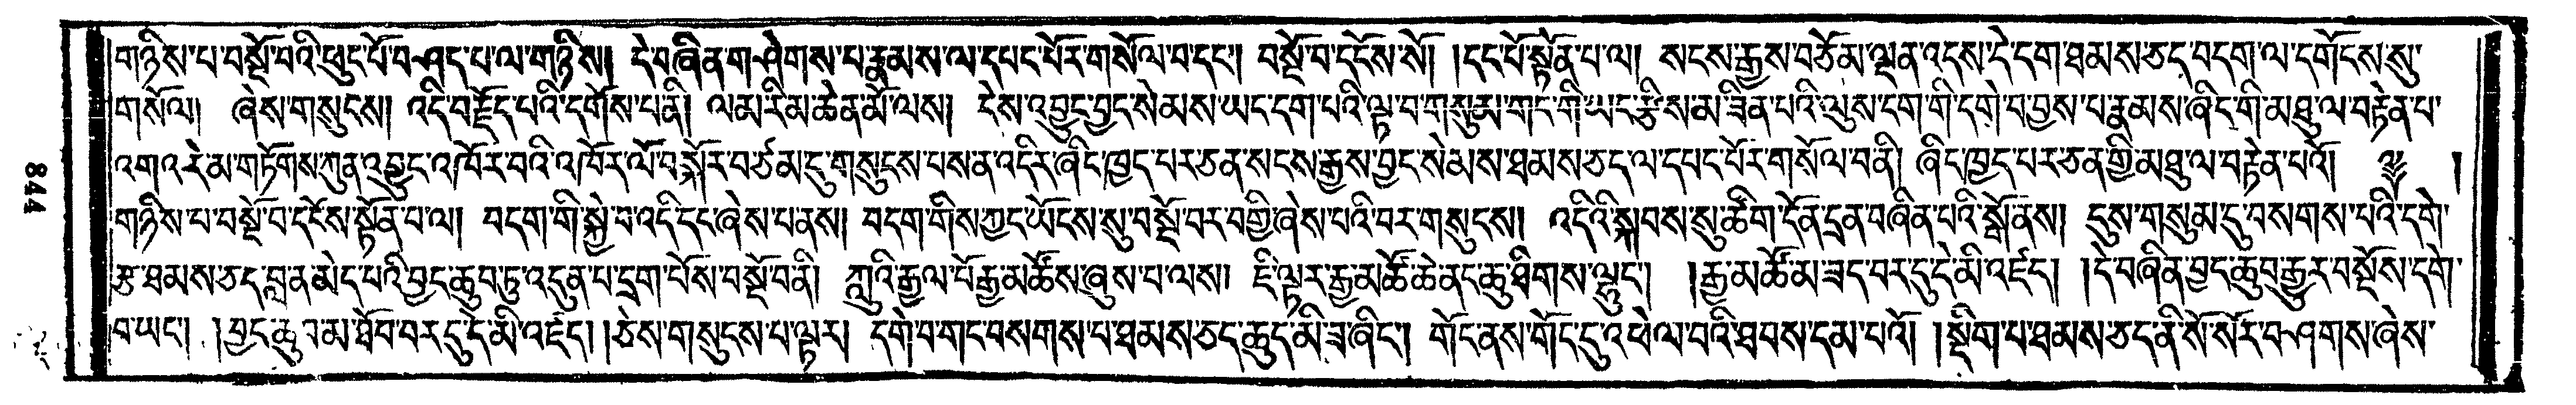གཉིས་པ་བསྔོ་བའི་ཕུང་པོ་བཤད་པ་ལ་གཉིས། དེ་བཞིན་གཤེགས་པ་རྣམས་ལ་དཔང་པོར་གསོལ་བ་དང་། བསྔོ་བ་དངོས་སོ། །དང་པོ་སྟོན་པ་ལ། སངས་རྒྱས་བཅོམ་ལྡན་འདས་དེ་དག་ཐམས་ཅད་བདག་ལ་དགོངས་སུ་
གསོལ། ཞེས་གསུངས། འདི་བརྗོད་པའི་དགོས་པ་ནི། ལམ་རིམ་ཆེན་མོ་ལས། ངེས་འབྱུང་བྱང་སེམས་ཡང་དག་པའི་ལྟ་བ་གསུམ་གང་གི་ཡང་རྩིས་མ་ཟིན་པའི་ལུས་ངག་གི་དགེ་བ་བྱས་པ་རྣམས་ཞིང་གི་མཐུ་ལ་བརྟེན་པ་
འགའ་རེ་མ་གཏོགས་ཀུན་འབྱུང་འཁོར་བའི་འཁོར་ལོ་བསྐོར་བ་ཙམ་དུ་གསུངས་པས་ན་འདིར་ཞིང་ཁྱད་པར་ཅན་སངས་རྒྱས་བྱང་སེམས་ཐམས་ཅད་ལ་དཔང་པོར་གསོལ་བ་ནི། ཞིང་ཁྱད་པར་ཅན་གྱི་མཐུ་ལ་བརྟེན་པའོ། ༈ །
གཉིས་པ་བསྔོ་བ་དངོས་སྟོན་པ་ལ། བདག་གི་སྐྱེ་བ་འདི་དང་ཞེས་པ་ནས། བདག་གིས་ཀྱང་ཡོངས་སུ་བསྔོ་བར་བགྱི་ཞེས་པའི་བར་གསུངས། འདིའི་སྐབས་སུ་ཚིག་དོན་དྲན་བཞིན་པའི་སྒོ་ནས། དུས་གསུམ་དུ་བསགས་པའི་དགེ་
རྩ་ཐམས་ཅད་བླ་ན་མེད་པའི་བྱང་ཆུབ་ཏུ་འདུན་པ་དྲག་པོས་བསྔོ་བ་ནི། ཀླུའི་རྒྱལ་པོ་རྒྱ་མཚོས་ཞུས་པ་ལས། ཇི་ལྟར་རྒྱ་མཚོ་ཆེ་ནང་ཆུ་ཐིགས་ལྷུང་། །རྒྱ་མཚོ་མ་ཟད་བར་དུ་དེ་མི་འཛད། །དེ་བཞིན་བྱང་ཆུབ་རྒྱུར་བསྔོས་དགེ་
བ་ཡང་། །བྱང་ཆུབ་མ་ཐོབ་བར་དུ་དེ་མི་འཛད། །ཅེས་གསུངས་པ་ལྟར། །དགེ་བ་གང་བསགས་པ་ཐམས་ཅད་ཆུད་མི་ཟ་ཞིང་། གོང་ནས་གོང་དུ་འཕེལ་བའི་ཐབས་དམ་པའོ། །སྡིག་པ་ཐམས་ཅད་ནི་སོ་སོར་བཤགས་ཞེས་